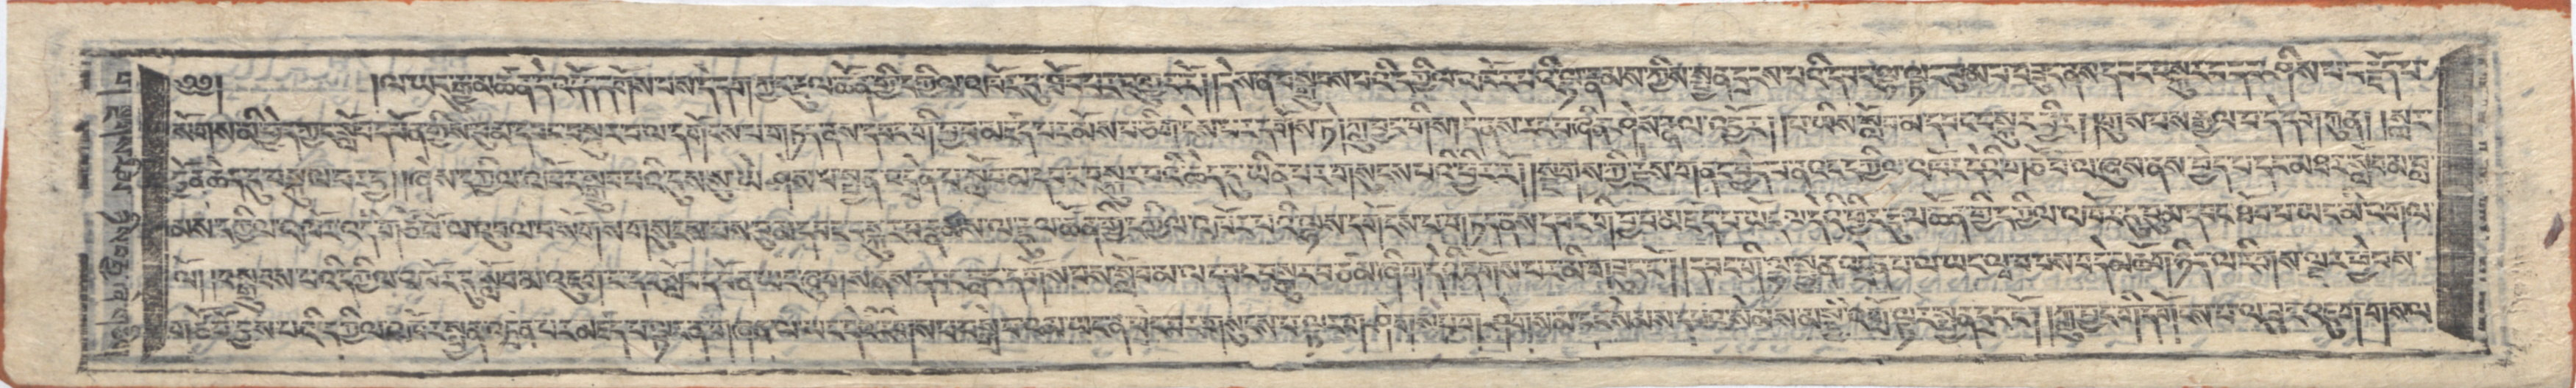༄༅། །ལ་ཡང་རྒྱུ་མཚན་དེ་འདོད་དགོས་པས་དེ་དག་ཀྱང་རྡུལ་ཚོན་གྱི་དཀྱིལ་འཁོར་དུ་ཐོབ་པར་འགྱུར་རོ། །དེས་ན་བསྒྲུབས་པའི་དཀྱིལ་འཁོར་བའི་ལྷ་རྣམས་ཀྱིས་སྤྱན་དྲངས་པའི་དབང་ལྷ་ལྟར་བུམ་པ་བཟུང་ནས་དབང་བསྐུར་བ་དང་ཤིས་པ་བརྗོད་པ་
སོགས་མི་བྱེད་ཀྱང་སློབ་དཔོན་གྱིས་བུམ་དབང་བསྐུར་བ་ལ་དགོངས་པ་གཏད་ནས་དབང་གི་བྱ་བ་མཛད་པར་མོས་པ་ཅིག་ངེས་པར་དགོས་ཏེ། ཀླུ་བྱང་གིས། དེ་ནས་རང་བཞིན་ཤེས་རྣལ་འབྱོར། །ཕ་ཡིས་སློབ་མ་དབང་བསྐུར་ཕྱིར། །གུས་པས་རྒྱལ་བ་དེ་དག་ཀུན། །སླར་
བྱོན་ཆེད་དུ་བསྐུལ་བར་བྱ། །ཞེས་དཀྱིལ་འཁོར་སྒྲུབ་པའི་དུས་སུ་ཡེ་ཤེས་པ་སྤྱན་འདྲེན་པ་སློབ་མ་དབང་བསྐུར་བའི་ཆེད་དུ་ཡིན་པར་གསུངས་པའི་ཕྱིར་རོ། །སྔགས་ཀྱི་རྗེས་གནང་བྱེད་པ་ནའང་དཀྱིལ་འཁོར་དེའི་གཙོ་བོ་ལ་ཞུས་ནས་བྱེད་པ་དང་མཐར་སློབ་མ་བླ་
མས་དཀྱིལ་འཁོར་འདི་གཙོ་བོ་ལ་འབུལ་བ་སོགས་གསུངས་པས་བུམ་དབང་བསྐུར་བ་རྣམས་ལ་རྡུལ་ཚོན་གྱི་དཀྱིལ་འཁོར་པའི་ལྷས་དགོངས་པ་གཏད་ནས་དབང་གི་བྱ་བ་མཛད་པ་ཡོད་ལ་དེའི་ཕྱིར་རྡུལ་ཚོན་གྱི་དཀྱིལ་འཁོར་དུ་བུམ་དབང་ཐོབ་པ་ཡང་མི་འགལ་
ལོ། །བསྒྲུབས་པའི་དཀྱིལ་འཁོར་དུ་སློབ་མ་འཇུག་པ་དང་སློབ་དཔོན་ཡང་ཞུགས་ནས་དབང་བླང་དགོས་པས་སློབ་མ་ལ་དབང་བསྐུར་བ་ཙམ་ཞིག་དེའི་དགོས་པར་མི་གཟུང་ངོ། །དབང་གི་ལྷ་སྤྱན་འདྲེན་པ་ལ་ཡང་ལྭ་བ་པས་བདེ་མཆོག་ཉིད་ལ་རིགས་ལྔར་ཕྱེ་བས་
གཙོ་བོ་བྱས་པའི་དཀྱིལ་འཁོར་སྤྱན་འདྲེན་པར་མཛད་པ་ལྟར་ན་གཞན་ལ་ཡང་དེའི་རིགས་པ་བསྒྲེ་བའམ་ཡང་ན་ཕྲེང་བར་གསུངས་པ་ལྟར་གཤེགས་པ་གཤེགས་མ་དང་སེམས་དཔའ་སེམས་མ་སྤྱི་འགྲོ་ལྟར་སྤྱན་དྲང་ངོ། །ཀླུ་བྱང་གི་དགོངས་པ་ལ་ཟུང་འཇུག་གསལ་